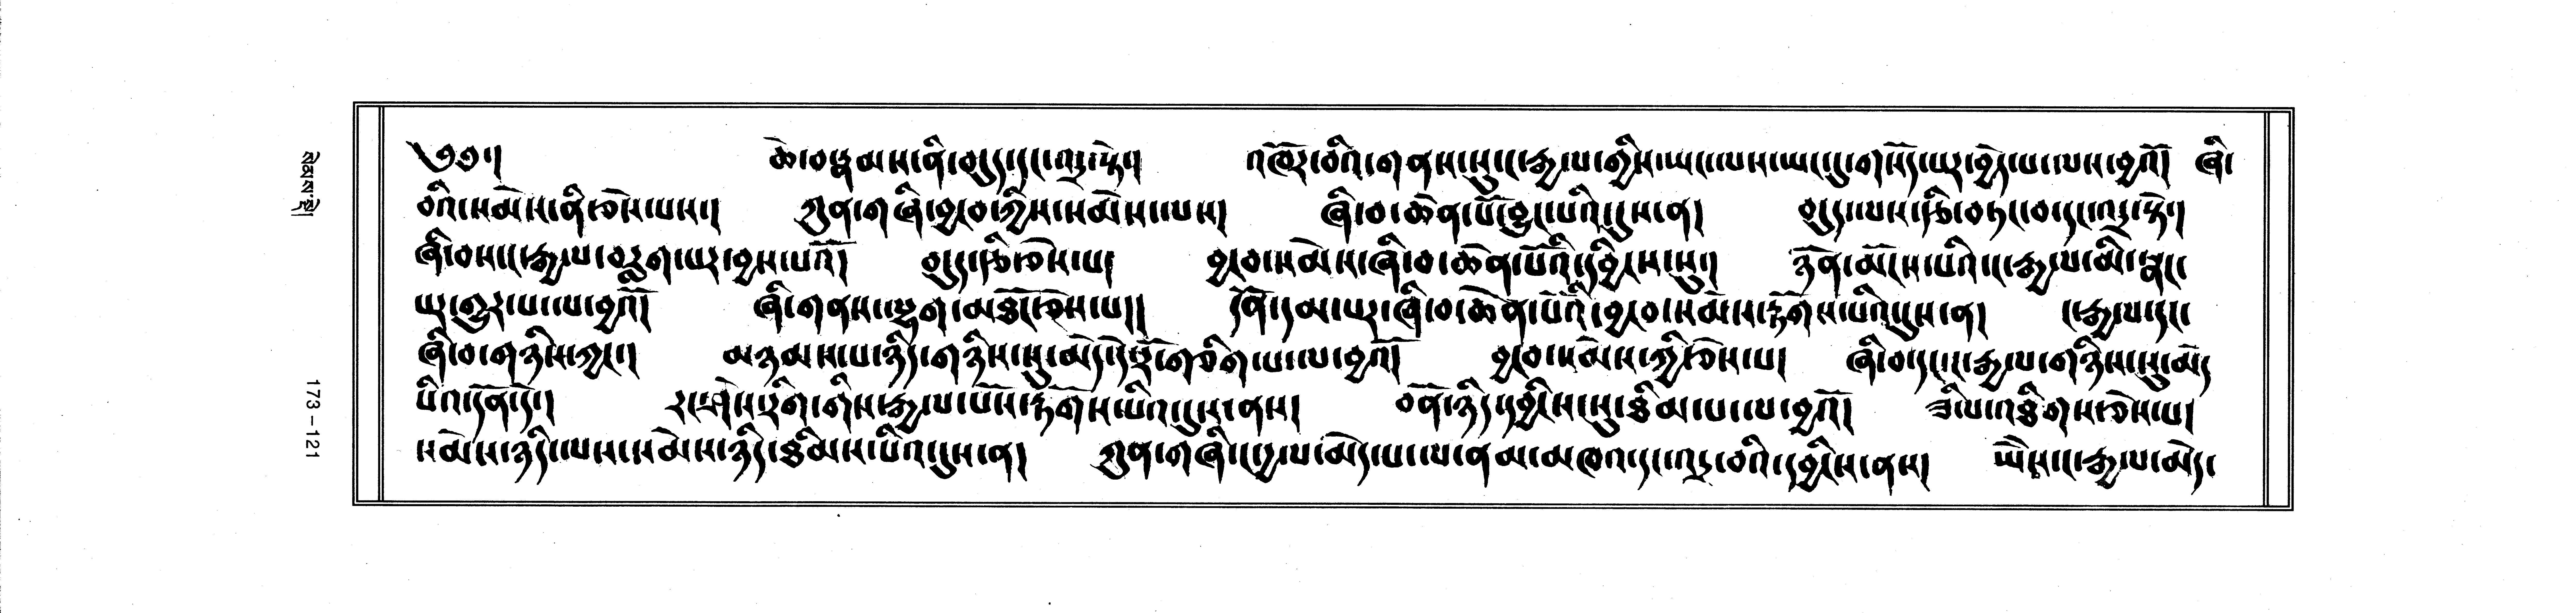ཆེ་བ་རྣམས་ནི་བདུད་དང་འདྲ་སྟེ། འཁོར་བའི་གནས་སུ་ང་རྒྱལ་གྱིས་ཡང་ལས་ཡང་དུ་གསོད་པར་བྱེད་པ་ལས་བྱའོ། །ཞི་
བའི་སེམས་ནི་ཅེས་པས། ཀུན་གཞི་བྱང་ཆུབ་ཀྱི་སེམས་ལས། ཞི་བ་ཆེན་པོ་བྱུང་བའི་དུས་ན། བདུད་ལས་རྩི་བཏང་བ་དང་འདྲ་སྟེ། 
ཞི་བས་ང་རྒྱལ་བརླག་པར་བྱས་པའོ། །བདུད་རྩི་ཅེས་པ། བྱང་ཆུབ་ཀྱི་སེམས་ཞི་བ་ཆེན་པོའི་དབྱིངས་སུ་ཉོན་མོངས་པའི་ང་རྒྱལ་མི་སྣང་
པར་གྱུར་པ་ལ་བྱའོ། །ཞི་གནས་ལྷག་མཐོང་ཅེས་པ། དོན་དམ་པར་ཞི་བ་ཆེན་པོའི་བྱང་ཆུབ་ཀྱི་སེམས་རྟོགས་པའི་དུས་ན། ང་རྒྱལ་དང་
ཞི་བ་གཉིས་ཀྱང་མཉམ་པ་ཉིད་གཉིས་སུ་མེད་དེ་རོ་གཅིག་པ་ལ་བྱའོ། །བྱང་ཆུབ་སེམས་ཀྱི་ཅེས་པ། ཞི་བ་དང་ང་རྒྱལ་གཉིས་སུ་མེད་
པའི་དོན་ནི་རང་ཤེས་རིག་གི་རྒྱལ་པོས་རྟོགས་པའི་དུས་ནས། བོན་ཉིད་དབྱིངས་སུ་ཐིམ་པ་ལ་བྱའོ། །ཟིལ་འཐིགས་ཅེས་པ། 
སེམས་ཉིད་ལས་སེམས་ཉིད་འཐིམ་པའི་དུས་ན། ཀུན་གཞི་ང་རྒྱལ་མེད་པ་ལ་ནམ་མཁའ་དང་འདྲ་བའི་དབྱིངས་ནས། ཡེ་ཤེས་རང་རྒྱལ་མེད་པ་